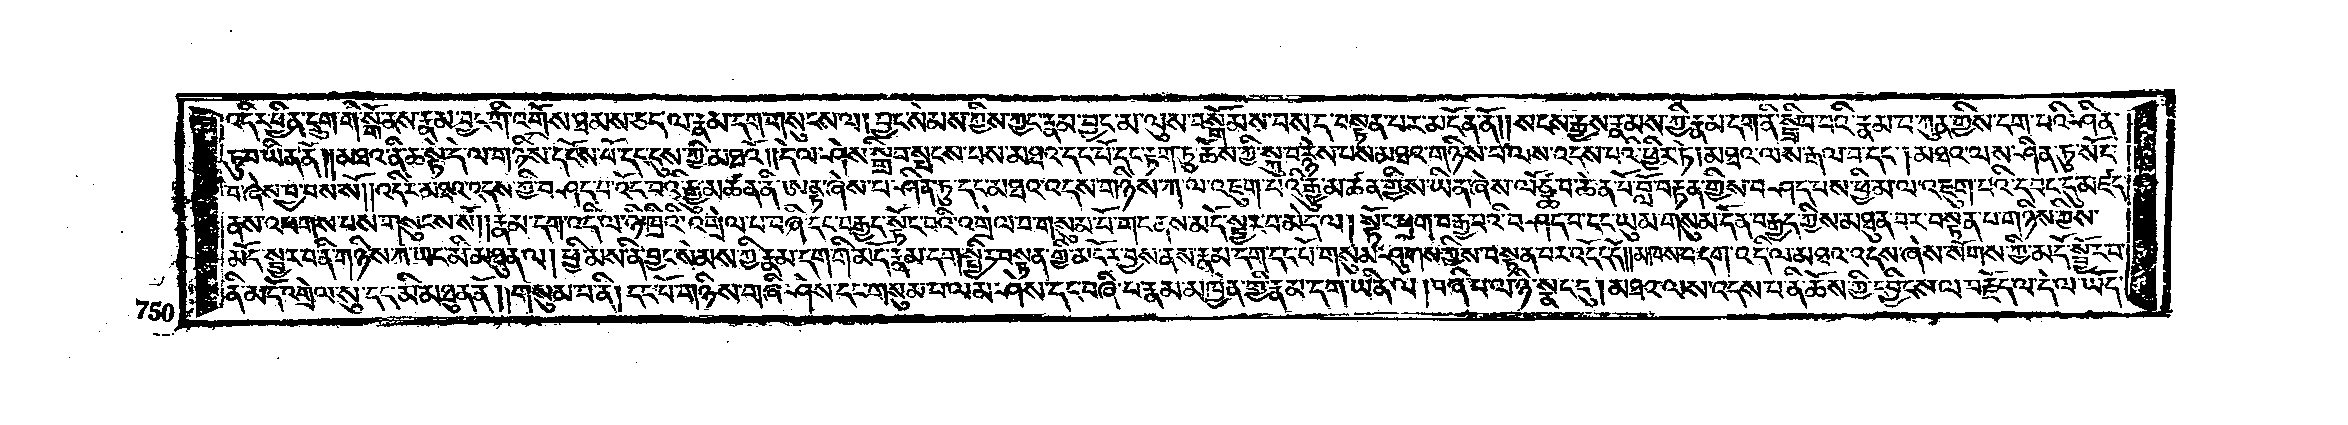འདིར་ཕྱིན་དྲུག་གི་སྒོ་ནས་རྣམ་བྱང་གི་འགྲེས་ཐམས་ཅད་ལ་རྣམ་དག་གསུངས་ལ། བྱང་སེམས་ཀྱིས་ཀྱང་རྣམ་བྱང་མ་ལུས་བསྒོམས་པས་དེ་བསྟན་པར་མངོན་ནོ། །སངས་རྒྱས་རྣམས་ཀྱི་རྣམ་དག་ནི་སྒྲིབ་པའི་རྣམ་པ་ཀུན་གྱིས་དག་པའི་ཤིན་
ཏུ་བ་ཡིན་ནོ། །མཐའ་ནི་ཆ་སྟེ་དེ་ལ་གཉིས་དངོས་པོ་དང་དུས་ཀྱི་མཐའོ། །དེ་ལ་ཤེས་སྒྲིབ་སྤངས་པས་མཐའ་དང་པོ་དང་རྟག་ཏུ་ཆོས་ཀྱི་སྐུ་བརྙེས་པས་མཐའ་གཉིས་པ་ལས་འདས་པའི་ཕྱིར་ཏེ། མཐའ་ལས་རྒལ་བ་དང་། མཐའ་ལས་ཤིན་ཏུ་སོང་
བ་ཞེས་བྱ་བས་སོ། །འདིར་མཐའ་འདས་ཀྱི་བཤད་པ་འོང་བའི་རྒྱུ་མཚན་ནི་ཨནྟ་ཞེས་པ་ཤིན་ཏུ་དང་མཐའ་འདས་གཉིས་ཀ་ལ་འཇུག་པའི་རྒྱུ་མཚན་གྱིས་ཡིན་ཞེས་ལོཙྪ་བ་ཆེན་པོ་བློ་བརྟན་གྱིས་བཤད་པས་ཕྱི་མ་ལ་འཇུག་པའི་དབང་དུ་མཛད་
ནས་འཕགས་པས་གསུངས་སོ། །རྣམ་དག་འདི་ལ་ཉི་ཁྲིའི་འགྲེལ་པ་བཞི་དང་བརྒྱད་སྟོང་པའི་འགྲེལ་པ་གསུམ་པོ་གང་ནས་མདོ་སྦྱར་བ་མེད་ལ། སྟོང་ཕྲག་བརྒྱ་བའི་བཤད་པ་དང་ཡུམ་གསུམ་དོན་བརྒྱད་ཀྱིས་མཐུན་པར་བསྟན་པ་གཉིས་ཀྱིས་
མོད་སྦྱར་བ་ནི་གཉིས་ཀ་ཡང་མི་མཐུན་ལ། ཕྱི་མས་ནི་བྱང་སེམས་ཀྱི་རྣམ་དག་གི་མདོ་རྣམ་དག་སྤྱིར་བསྟན་གྱི་མདོར་བྱས་ནས་རྣམ་དག་དང་པོ་གསུམ་ཤུགས་ཀྱིས་བསྟན་པར་འདོད་དོ། །མཁས་པ་དག་འདི་ལ་མཐའ་འདས་ཞེས་སོགས་ཀྱི་མདོ་སྦྱོར་བ་
ནི་མདོ་འགྲེལ་སུ་དང་མི་མཐུན་ནོ། །གསུམ་པ་ནི། དང་པོ་གཉིས་གཞི་ཤེས་དང་གསུམ་པ་ལམ་ཤེས་དང་བཞི་པ་རྣམ་མཁྱེན་གྱི་རྣམ་དག་ཡིན་ལ། བཞི་པ་ལ་ཉི་སྣང་དུ། མཐའ་ལས་འདས་པ་ནི་ཆོས་ཀྱི་དབྱིངས་ལ་བརྗོད་ལ་དེ་ལ་ཡོད་